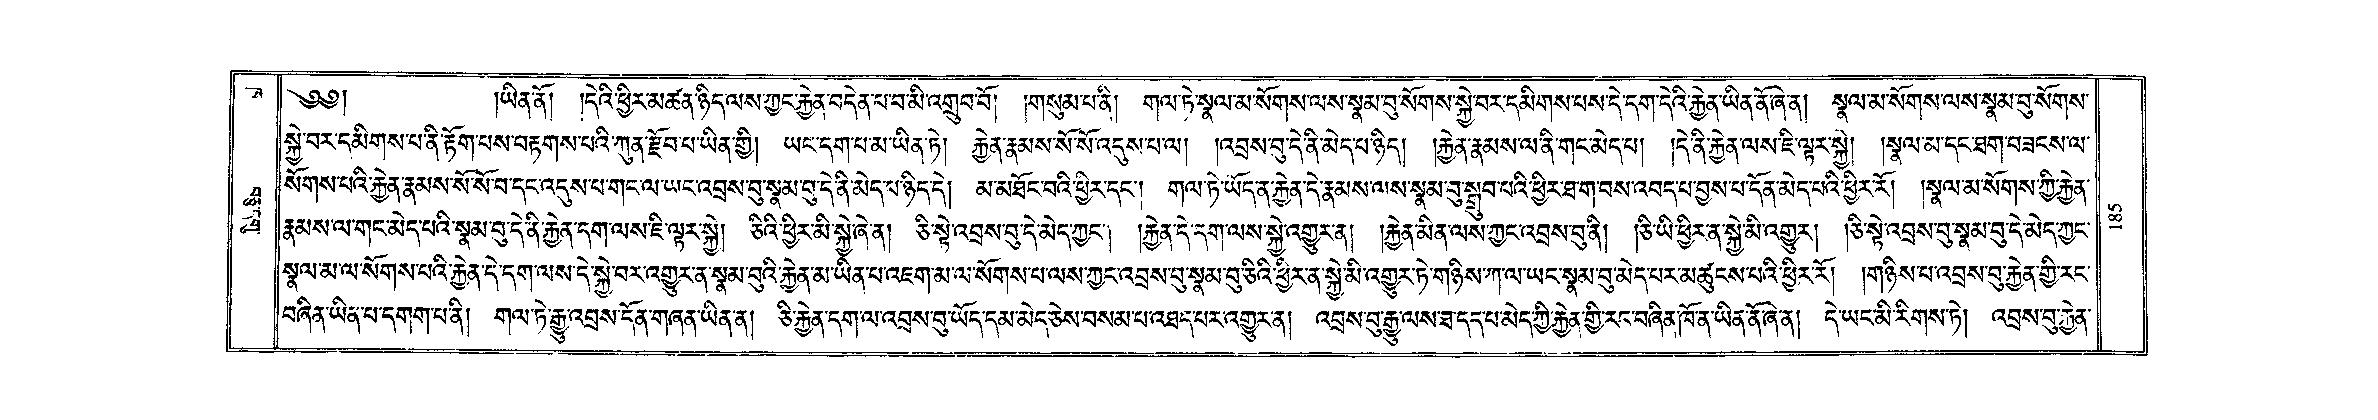༄༅། །ཡིན་ནོ། །དེའི་ཕྱིར་མཚན་ཉིད་ལས་ཀྱང་རྐྱེན་བདེན་པ་བ་མི་འགྲུབ་བོ། །གསུམ་པ་ནི། གལ་ཏེ་སྣལ་མ་སོགས་ལས་སྣམ་བུ་སོགས་སྐྱེ་བར་དམིགས་པས་དེ་དག་དེའི་རྐྱེན་ཡིན་ནོ་ཞེ་ན། སྣལ་མ་སོགས་ལས་སྣམ་བུ་སོགས་
སྐྱེ་བར་དམིགས་པ་ནི་རྟོག་པས་བརྟགས་པའི་ཀུན་རྫོབ་པ་ཡིན་གྱི། ཡང་དག་པ་མ་ཡིན་ཏེ། རྐྱེན་རྣམས་སོ་སོ་འདུས་པ་ལ། །འབྲས་བུ་དེ་ནི་མེད་པ་ཉིད། །རྐྱེན་རྣམས་ལ་ནི་གང་མེད་པ། །དེ་ནི་རྐྱེན་ལས་ཇི་ལྟར་སྐྱེ། །སྣལ་མ་དང་ཐག་བཟངས་ལ་
སོགས་པའི་རྐྱེན་རྣམས་སོ་སོ་བ་དང་འདུས་པ་གང་ལ་ཡང་འབྲས་བུ་སྣམ་བུ་དེ་ནི་མེད་པ་ཉིད་དེ། མ་མཐོང་བའི་ཕྱིར་དང་། གལ་ཏེ་ཡོད་ན་རྐྱེན་དེ་རྣམས་ལས་སྣམ་བུ་སྒྲུབ་པའི་ཕྱིར་ཐག་བས་འབད་པ་བྱས་པ་དོན་མེད་པའི་ཕྱིར་རོ། །སྣལ་མ་སོགས་ཀྱི་རྐྱེན་
རྣམས་ལ་གང་མེད་པའི་སྣམ་བུ་དེ་ནི་རྐྱེན་དག་ལས་ཇི་ལྟར་སྐྱེ། ཅིའི་ཕྱིར་མི་སྐྱེ་ཞེ་ན། ཅི་སྟེ་འབྲས་བུ་དེ་མེད་ཀྱང་། །རྐྱེན་དེ་དག་ལས་སྐྱེ་འགྱུར་ན། །རྐྱེན་མིན་ལས་ཀྱང་འབྲས་བུ་ནི། །ཅི་ཡི་ཕྱིར་ན་སྐྱེ་མི་འགྱུར། །ཅི་སྟེ་འབྲས་བུ་སྣམ་བུ་དེ་མེད་ཀྱང་
སྣལ་མ་ལ་སོགས་པའི་རྐྱེན་དེ་དག་ལས་དེ་སྐྱེ་བར་འགྱུར་ན་སྣམ་བུའི་རྐྱེན་མ་ཡིན་པ་འཇག་མ་ལ་སོགས་པ་ལས་ཀྱང་འབྲས་བུ་སྣམ་བུ་ཅིའི་ཕྱིར་ན་སྐྱེ་མི་འགྱུར་ཏེ་གཉིས་ཀ་ལ་ཡང་སྣམ་བུ་མེད་པར་མཚུངས་པའི་ཕྱིར་རོ། །གཉིས་པ་འབྲས་བུ་རྐྱེན་གྱི་རང་
བཞིན་ཡིན་པ་དགག་པ་ནི། གལ་ཏེ་རྒྱུ་འབྲས་དོན་གཞན་ཡིན་ན། ཅི་རྐྱེན་དག་ལ་འབྲས་བུ་ཡོད་དམ་མེད་ཅེས་བསམ་པ་འཐད་པར་འགྱུར་ན། འབྲས་བུ་རྒྱུ་ལས་ཐ་དད་པ་མེད་ཀྱི་རྐྱེན་གྱི་རང་བཞིན་ཁོ་ན་ཡིན་ནོ་ཞེ་ན། དེ་ཡང་མི་རིགས་ཏེ། འབྲས་བུ་རྐྱེན་